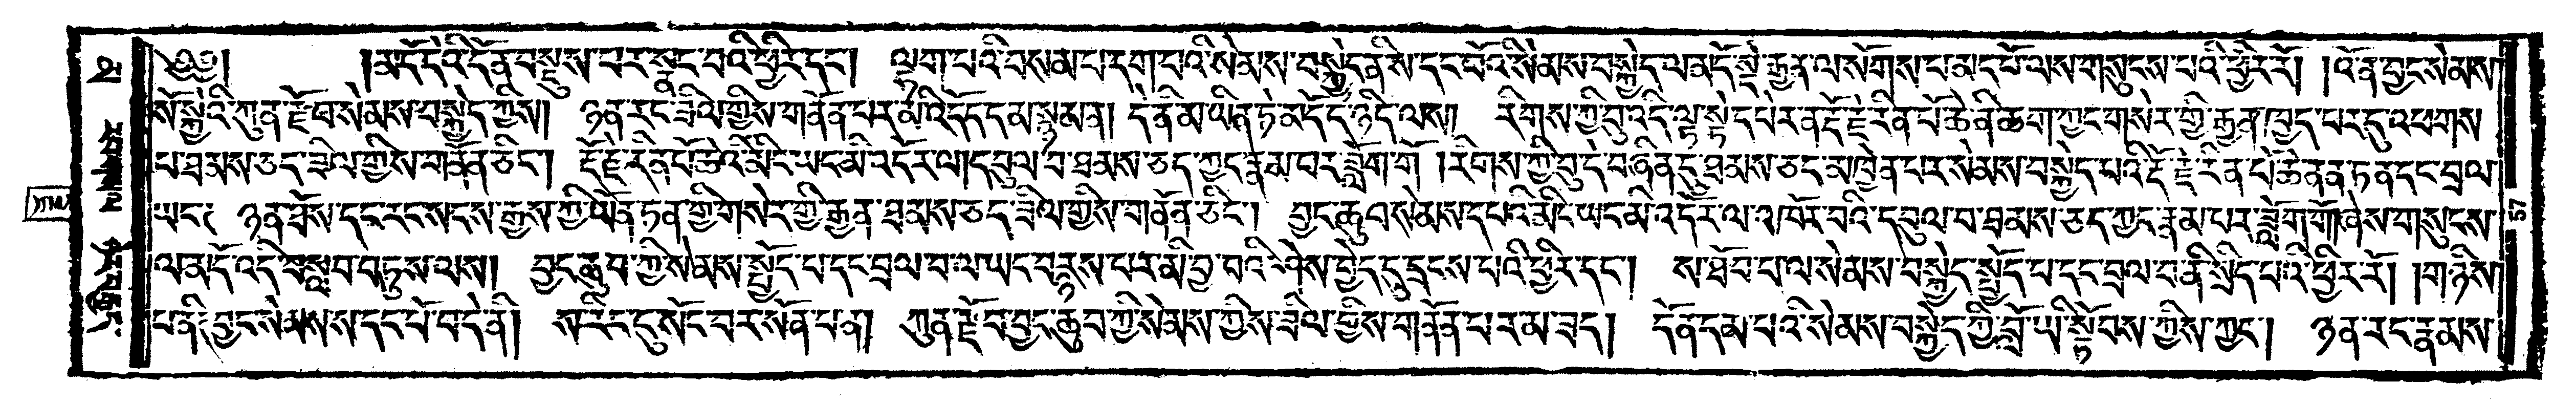༄༅། །མདོ་དེའི་དོན་བསྡུས་པར་སྣང་བའི་ཕྱིར་དང་། ལྷག་པའི་བསམ་པ་དག་པའི་སེམས་བསྐྱེད་ནི་ས་དང་པོའི་སེམས་བསྐྱེད་ལ་མདོ་སྡེ་རྒྱན་ལ་སོགས་པ་མང་པོ་ལས་གསུངས་པའི་ཕྱིར་རོ། །འོ་ན་བྱང་སེམས་
སོ་སྐྱེའི་ཀུན་རྫོབ་སེམས་བསྐྱེད་ཀྱིས། ཉན་རང་ཟིལ་གྱིས་གནོན་པར་མི་འདོད་དམ་སྙམ་ན། དེ་ནི་མ་ཡིན་ཏེ་མདོ་དེ་ཉིད་ལས། རིགས་ཀྱི་བུ་འདི་ལྟ་སྟེ་དཔེར་ན་རྡོ་རྗེ་རིན་པོ་ཆེ་ནི་ཆག་ཀྱང་གསེར་གྱི་རྒྱན་ཁྱད་པར་དུ་འཕགས་
པ་ཐམས་ཅད་ཟིལ་གྱིས་གནོན་ཅིང་། རྡོ་རྗེ་རིན་པོ་ཆེའི་མིང་ཡང་མི་འདོར་ལ། དབུལ་བ་ཐམས་ཅད་ཀྱང་རྣམ་པར་ཟློག་གོ །རིགས་ཀྱི་བུ་དེ་བཞིན་དུ་ཐམས་ཅད་མཁྱེན་པར་སེམས་བསྐྱེད་པའི་རྡོ་རྗེ་རིན་པོ་ཆེ་ནན་ཏན་དང་བྲལ་
ཡང༑ ཉན་ཐོས་དང་རང་སངས་རྒྱས་ཀྱི་ཡོན་ཏན་གྱི་གསེར་གྱི་རྒྱན་ཐམས་ཅད་ཟིལ་གྱིས་གནོན་ཅིང་། བྱང་ཆུབ་སེམས་དཔའི་མིང་ཡང་མི་འདོར་ལ་འཁོར་བའི་དབུལ་བ་ཐམས་ཅད་ཀྱང་རྣམ་པར་ཟློག་གོ །ཞེས་གསུངས་
ལ་མདོ་འདི་བསླབ་བཏུས་ལས། བྱང་ཆུབ་ཀྱི་སེམས་སྤྱོད་པ་དང་བྲལ་བ་ལ་ཡང་བརྙས་པར་མི་བྱ་བའི་ཤེས་བྱེད་དུ་དྲངས་པའི་ཕྱིར་དང་། ས་ཐོབ་པ་ལ་སེམས་བསྐྱེད་སྤྱོད་པ་དང་བྲལ་བ་ནི་སྲིད་པའི་ཕྱིར་རོ། །གཉིས་
པ་ནི། བྱང་སེམས་ས་དང་པོ་བ་དེ་ནི། ས་རིང་དུ་སོང་བར་སོན་པ་ན། ཀུན་རྫོབ་བྱང་ཆུབ་ཀྱི་སེམས་ཀྱིས་ཟིལ་གྱིས་གནོན་པར་མ་ཟད། དོན་དམ་པའི་སེམས་བསྐྱེད་ཀྱི་བློ་ཡི་སྟོབས་ཀྱིས་ཀྱང་། ཉན་རང་རྣམས་